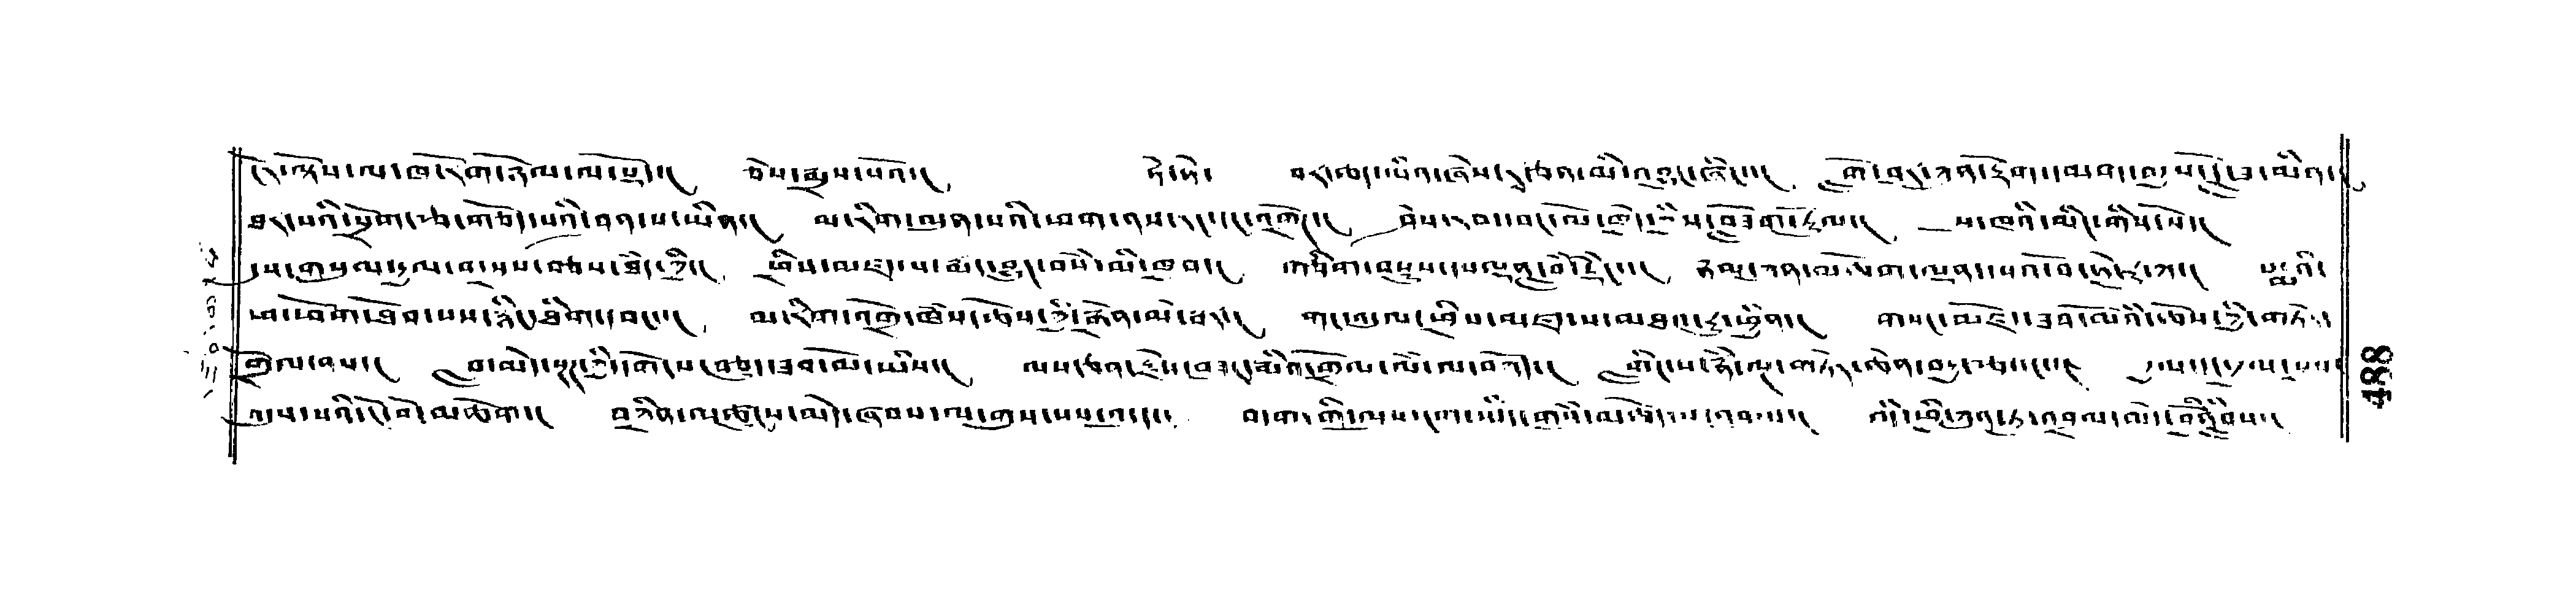ངོར་ལྟོས་ལ་ཁ་རོག་ཉོལ་ལ་སྡོད། ཅེས་སྨྲས་པའོ།། ཧེ་ཧེ། བར་ཆད་ཡིན་ཞེས་རྭ་ཅན་མི་འབྱུང་ཞིང་། །གློ་བུར་ཀུན་རྟོག་དམག་བརྒྱས་དོ་ཟླ་མིན། །
ཐར་པའི་སྲོག་རྩ་གཅོད་པའི་ཤན་པ་ཡིན། །མ་རིག་མུན་པའི་ཕག་ནས་རང་དང་འགྲོགས། །ཤེས་རབ་དབང་མོ་ཁྱེད་ཀྱིས་བཟློག་ཏུ་གསོལ། སུ་ཁའི་མིང་གིས་སོ།། 
དུས་གསུམ་རྒྱལ་བ་སྲས་བཅས་ཐམས་ཅད་ཀྱི། །ཕྲིན་ལས་མཛད་པ་རྨད་བྱུང་བསམ་མི་ཁྱབ། །གཅིག་བསྡུས་དཔལ་ལྡན་བླ་མ་རྡོ་རྗེ་འཆང་། །རྣམ་ཀུན་མཆོག་ལྡན་དཔའ་བོ་ཧེ་རུ་ཀ །པདྨའི་
ཕ་ཕོགས་ཐོབ་པས་སྙིང་ཐིག་དབང་། །མ་རིག་འགྲོ་ཁམས་ཆོས་ཀྱི་སྒྲོན་མེ་སྦར། །གང་འདུལ་ཕྲིན་ལས་མཛད་པ་མཐའ་རུ་ཕྱིན། །གསང་མཛོད་ཟབ་མོའི་ཆོས་ཀྱི་གཏེར་
གྲོལ་ནས། །བླ་མེད་སྔགས་ཀྱི་དགོངས་བཅུད་ཟབ་མོ་ཡིས། །ལས་ཅན་རྗེས་བཟུང་སྨིན་གྲོལ་ལམ་ལ་བཀོད། །གླིང་པ་རྣམ་ལྔ་གཏེར་ཆེན་བརྒྱ་རྩ་དང་། །རྒྱལ་དང་རྒྱལ་སྲས་
འདུས་པའི་ངོ་བོ་མཆོག།བཀའ་དྲིན་མཚུངས་མེད་ཞབས་ལ་གུས་པས་འདུད། །བདག་གི་ལུས་ངག་ཡིད་གསུམ་མཆོད་པ་འབུལ། །འདི་ཕྱི་ཀུན་ཏུ་འབྲལ་མེད་བྱིན་གྱིས་རློབས།